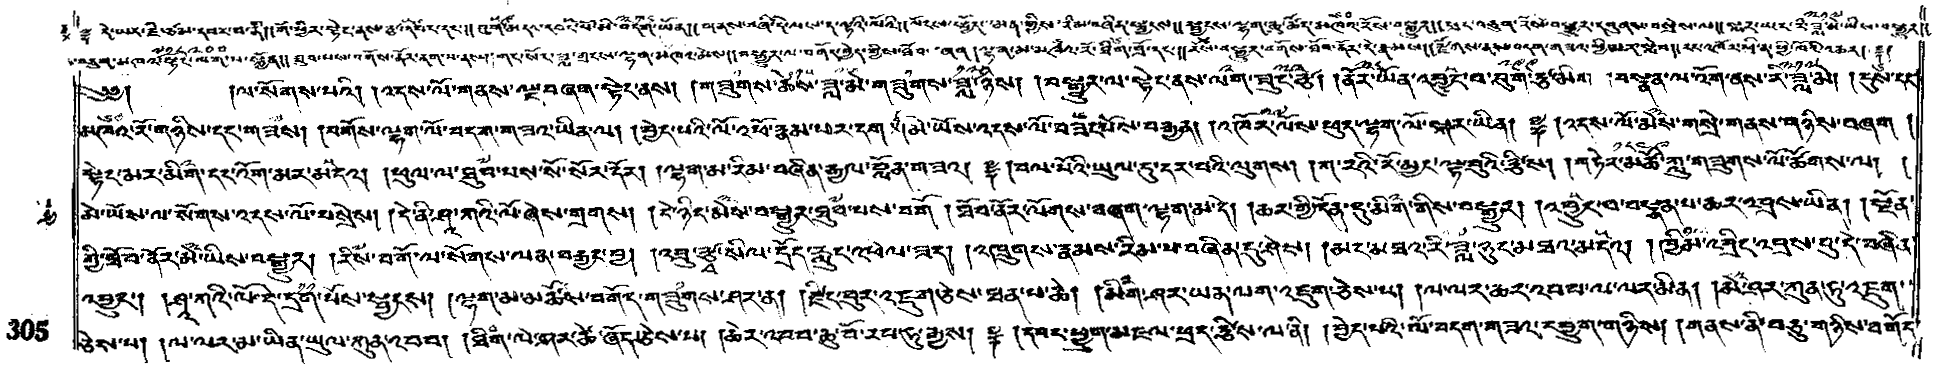༄༅། །ལ་སོགས་པའི། །འདས་ལོ་གནས་ལྔ་བཞག་སྟེང་ནས། །གཟུགས་ཚེས་ཟླ་མེ་གཟུགས་ཟླ་ཉིས། །བསྒྱུར་ལ་སྟེང་ནས་ལག་ཟུང་རྩ། །ནོར་ཡོན་འབྱུང་བ་བུག་རྩ་མིག །བསྣན་ལ་འོག་ནས་རི་ཟླ་མེ། །དུས་དང་
མཁའ་རོ་གཉིས་དང་གཟས། །བགོས་ལྷག་ལོ་བདག་གཟའ་ཡིན་ལ། །བྱེད་པའི་ལོ་འཕོ་རྣམ་པར་དག ༈ དེ་ཡང་ཇི་ཙམ་དབང་བ་ནི། །གོ་ཕྱིར་སྟེང་ནས་རྩ་གྦང་དང་། །བུག་མདའ་དབང་པོ་མི་བདག་ཡོན། །གནས་བཞི་དེ་ལས་ད་ལྟའི་ལོའི། །ལོངས་སྤྱོད་མན་གྱིས་རིམ་བཞིན་སྦྱངས། །སྦྱངས་ལྷག་ཆུ་ཚོད་མཁའ་རོས་བསྒྱུར། །སྲད་བཅུག་རོས་བསྒྱུར་དབུགས་བསྲེས་ལ། །སླར་ཡང་རི་ཟླ་མེ་ཡིས་བསྒྱུར།།
རྩ?་བཅུག་མཁའ་སྟེང་ལག་པ་སྐྱོན། །ཐུབ་པས་བགོས་ནོར་ནག་པ་ནས། །གང་སོང་ཟླ་གྲངས་ལྷག་མཁའ་ཆེས། །བསྒྱུར་ལ་བགོད་བྱེད་ཀྱིས་ཐོབ་བཞན?་།ལྷན་མ་མཁའ་རོ་ཐིག་བྲོ་དང་། །རོས་བསྒྱུར་བགོས་ཐོབ་ནོར་དེ་རྣམས། །རྫོགས་ནས་བདག་གཟའ་ཕྱི་མར་སླེབ། །རང་འཁོར་ཕྲི་ན་ཕྱི་ལོའི་འཆར། ༈ ། །མེ་ཡོས་འདས་ལོ་བཟང་པོས་བརྒྱན། །འཁོར་ལོས་ཕུད་ལྷག་ལོ་སྐར་ཡིན། ༈ །འདས་ལོ་མེས་གསྲེ་གནས་གཉིས་བཞག །
སྟེང་མར་མིག་དང་འོག་མར་མདའ། །ཕུལ་ལ་ཐུབ་པས་སོ་སོར་དོར། །ལྷག་མ་རིམ་བཞིན་རྒྱལ་བློན་གཟའ། ༈ །བལ་པོའི་ཡུལ་དུ་དར་བའི་ལུགས། །ཀ་རའི་རོ་མྱང་ལྟ་བུའི་རྩིས། །གཏེར་མཚོ་ཀླུ་གཟུགས་ལོ་ཚོགས་ལ། །
མེ་ཡོས་ལ་སོགས་འདས་ལོ་བསྲེས། །དེ་ནི་ཤཱ་ཀའི་ལོ་ཞེས་གྲགས། །དེ་ཉིད་མེས་བསྒྱུར་ཐུབ་པས་བགོ །ཐོབ་ནོར་ལོགས་བཞག་ལྷག་མ་དེ། །ཆར་གྱི་དོན་དུ་མིག་གིས་བསྒྱུར། །འབྱུང་བ་བསྣན་པ་ཆར་འབྲས་ཡིན། །སྔོན་
གྱི་ཐོབ་ནོར་མེ་ཡིས་བསྒྱུར། །རིས་བགོ་ལ་སོགས་ལན་བརྒྱད་བྱ། །འབྲུ་རྩྭ་སིལ་དྲོད་རླུང་འཕེལ་ཟད། །འཁྲུགས་རྣམས་རིམ་པ་བཞིན་དུ་ཤེས། །མང་མཐའ་རི་ཟླ་ཉུང་མཐའ་མདའ། །ཁྱིམ་འབྲིང་འབྲས་བུ་དེ་བཞིན་
འབྱུང་། །ཤཱ་ཀའི་ལོ་དེ་དྲག་པོས་སྦྱངས། །ལྷག་མ་མཚོས་བགོད་གཟུགས་ཤར་ན། །རྫིང་བུར་འཇུག་ཅེས་ཐན་པ་ཆེ། །མིག་ཤར་ཡན་ལག་འཇུག་ཅེས་པ། །ལ་ལར་ཆར་འབབ་ལ་ལར་མིན། །མེ་ཤར་ཀུན་ཏུ་འཇུག་
ཅེས་པ། །ལ་ལར་མ་ཡིན་ཡུལ་ཀུན་འབབ། །ཐིག་ལེ་ཤར་ཚེ་ཞོད་ཅེས་པ། །ཆེར་འབབ་ཆུ་བོ་རབ་ཏུ་རྒྱས། ༈ །དབང་ཕྱུག་མཇལ་ཕྲད་རྩིས་ལ་ནི། །བྱེད་པའི་ལོ་བདག་གཟའ་དབྱུག་གཉིས། །གནས་ནི་བཅུ་གཉིས་བགོད་